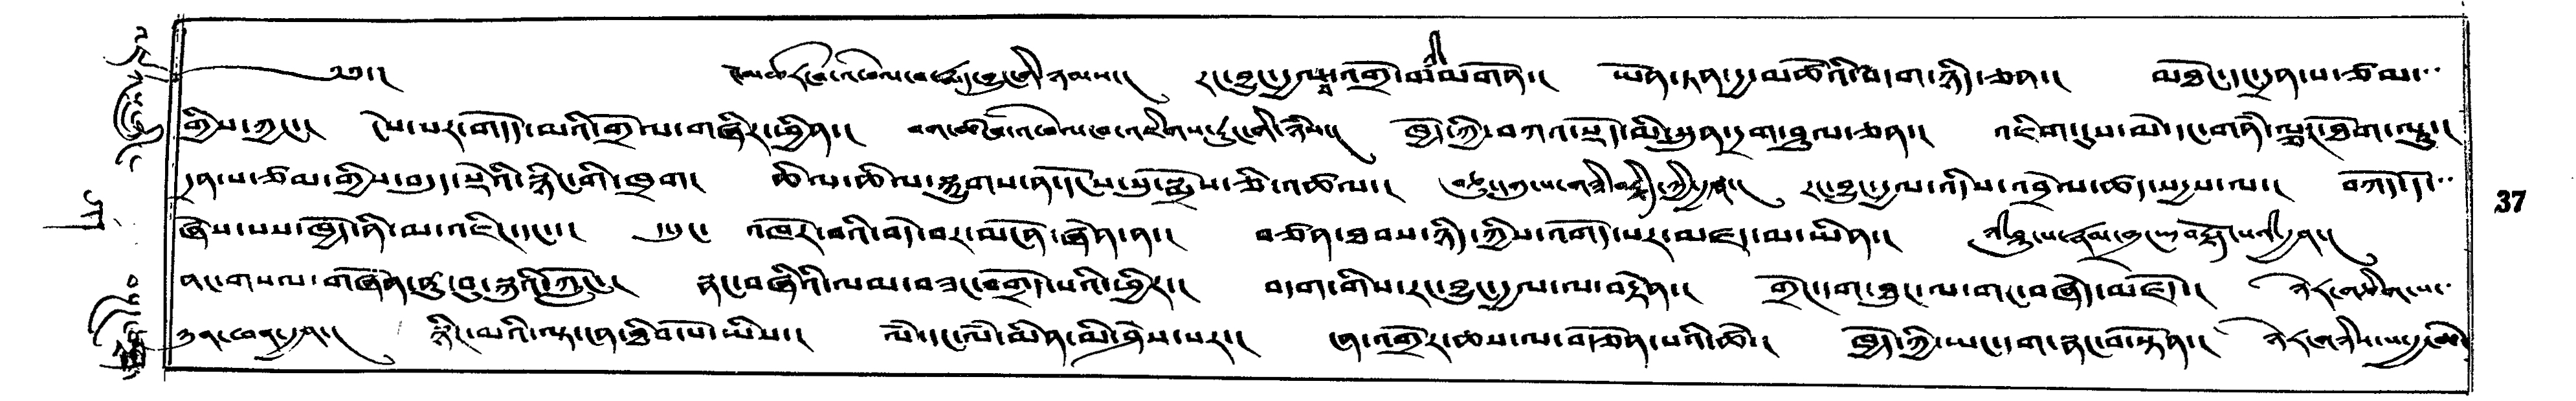ངོ་མཚར་འཕེལ་བ་རྨད་བྱུང་གི་ཉམས། རང་བྱུང་རྒྱལ་བ་འགྲོ་བའི་མགོན། །ཡོན་ཏན་རྒྱ་མཚོའི་བདག་ཉིད་ཅན། །མཐོང་དང་དྲན་པ་ཙམ་
གྱིས་ཀྱང་། །ངེས་པར་གདོད་མའི་གྲོལ་གཞིར་ཕྱིན། །བག་ཚ་བ་འཕེལ་བ་འཇིགས་རུང་གི་ཉམས། ཁྱོད་ཀྱི་བཀའ་སྡོད་མི་སྲུན་དྲག་ཤུལ་ཅན། །འཇིགས་རུང་མེ་དང་གནམ་ལྕགས་ཐོག་ལྟ་བུ། །
དྲན་པ་ཙམ་གྱིས་བདུད་སྡེའི་སྙིང་གི་ཁྲག ། ཆིལ་ཆིལ་སྐྱུག་ན་དངོས་སུ་སྨྲོས་ཅི་འཚལ། ། བཅུ་དགུ་པ་གཟི་བརྗིད་ཀྱི་རྒྱན། རང་བྱུང་རྒྱལ་འདིས་འབྲེལ་ཚད་སངས་རྒྱས་ལ། །བཀོད་དོ་
ཞེས་པས་ཁྱོད་ཉིད་མ་འཇིགས་དང་། །ད་དུང་འཁོར་བའི་བདེ་བར་མངོན་ཞེན་ན། །བཙན་ཐབས་ཉིད་ཀྱིས་འགོད་པར་མཛད་མ་ཡིན། ། ཉི་ཤུ་པ་རྣམ་གྲངས་བརྗོད་པའི་རྒྱན། 
ནང་གསལ་གཞོན་ནུ་བུམ་སྐུའི་ཀློང་། །སྣང་བཞིའི་ལམ་བཟང་བགྲོད་པའི་ཕྱིར། །བདག་གིས་རང་བྱུང་རྒྱལ་ལ་བསྟེན། །གྲོགས་དག་ཐུགས་ལ་གང་བཞེད་མཛོད། ། ཉེར་གཅིག་པ་
ཀུན་ཕན་གྱི་རྒྱན། སྙིགས་མའི་ལྟ་ངན་ཐིབས་པོ་ཡིས། །ལམ་དང་ལམ་མིན་མི་ཤེས་པར། །ངན་འགྲོར་ཆས་ལ་བརྩོན་པའི་ཚེ། །ཁྱོད་ཀྱི་ཡང་དག་སྣང་བ་སྟོན། ། ཉེར་གཉིས་པ་རྒྱ་ཆེ་བའི་རྒྱན་ལ་གཉིས་ལས། བསམ་པ་རྒྱ་ཆེ་བ།